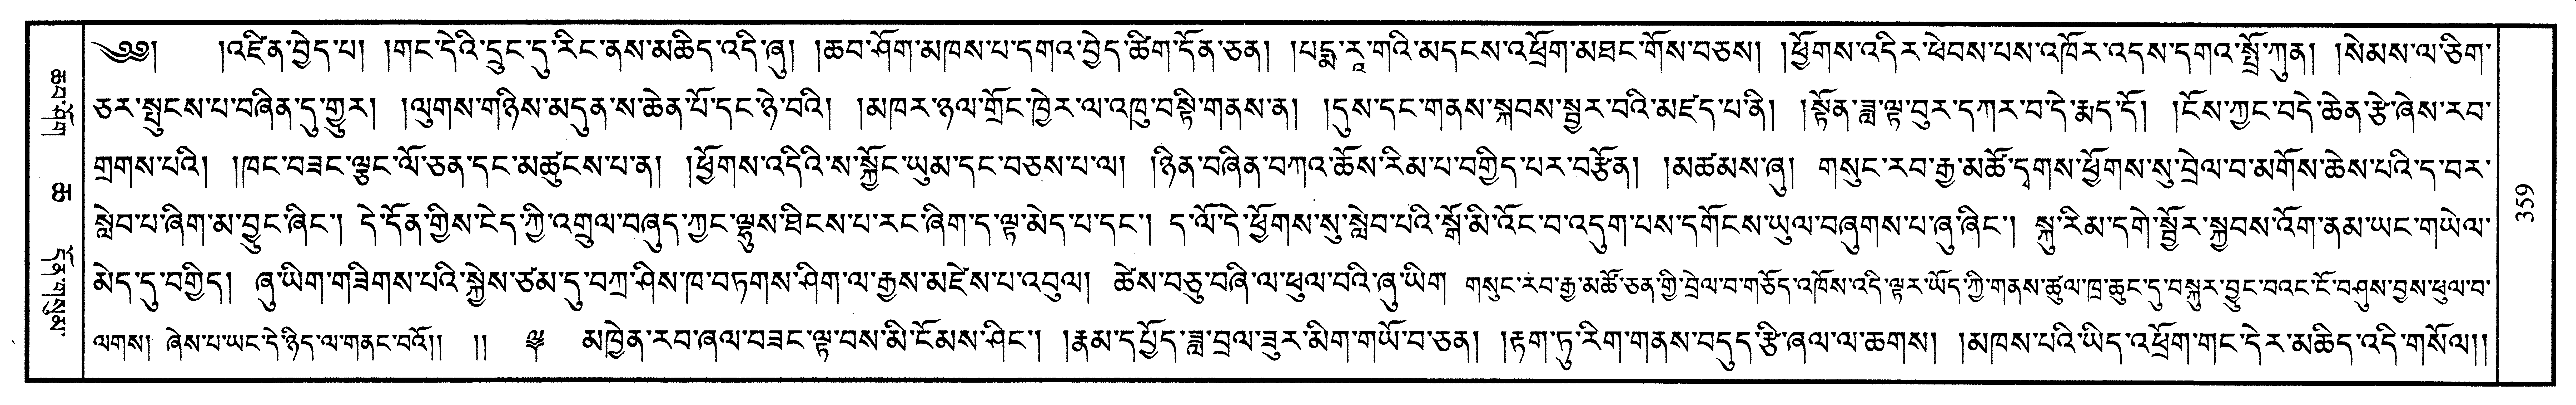༄༅། །འཛིན་བྱེད་པ། །གང་དེའི་དྲུང་དུ་རིང་ནས་མཆིད་འདི་ཞུ། །ཆབ་ཤོག་མཁས་པ་དགའ་བྱེད་ཚིག་དོན་ཅན། །པདམ་རཱ་གའི་མདངས་འཕྲོག་མཐང་གོས་བཅས། །ཕྱོགས་འདིར་ཕེབས་པས་འཁོར་འདས་དགའ་སྤྲོ་ཀུན། །སེམས་ལ་ཅིག་
ཅར་སྤུངས་པ་བཞིན་དུ་གྱུར། །ལུགས་གཉིས་མདུན་ས་ཆེན་པོ་དང་ཉེ་བའི། །མཁར་ཉལ་གྲོང་ཁྱེར་ལ་འཁུ་བསྟི་གནས་ན། །དུས་དང་གནས་སྐབས་སྦྱར་བའི་མཛད་པ་ནི། །སྟོན་ཟླ་ལྟ་བུར་དཀར་བ་དེ་རྨད་དོ། །ངོས་ཀྱང་བདེ་ཆེན་རྩེ་ཞེས་རབ་
གྲགས་པའི། །ཁང་བཟང་ལྕང་ལོ་ཅན་དང་མཚུངས་པ་ན། །ཕྱོགས་འདིའི་ས་སྐྱོང་ཡུམ་དང་བཅས་པ་ལ། །ཉིན་བཞིན་བཀའ་ཆོས་རིམ་པ་བགྱིད་པར་བརྩོན། །མཚམས་ཞུ། གསུང་རབ་རྒྱ་མཚོ་དྭགས་ཕྱོགས་སུ་བྲེལ་བ་མགོས་ཆེས་པའི་ད་བར་
སླེབ་པ་ཞིག་མ་བྱུང་ཞིང་། དེ་དོན་གྱིས་ངེད་ཀྱི་འགྲུལ་བཞུད་ཀྱང་ལྷུས་ཐིངས་པ་རང་ཞིག་ད་ལྟ་མེད་པ་དང་། ད་ལོ་དེ་ཕྱོགས་སུ་སླེབ་པའི་སྒོ་མི་འོང་བ་འདུག་པས་དགོངས་ཡུལ་བཞུགས་པ་ཞུ་ཞིང་། སྐུ་རིམ་དགེ་སྦྱོར་སྐྱབས་འོག་ནམ་ཡང་གཡེལ་
མེད་དུ་བགྱིད། ཞུ་ཡིག་གཟིགས་པའི་སྐྱེས་ཙམ་དུ་བཀྲ་ཤིས་ཁ་བཏགས་ཤིག་ལ་རྒྱས་མཛེས་པ་འབུལ། ཚེས་བཅུ་བཞི་ལ་ཕུལ་བའི་ཞུ་ཡིག་གསུང་རབ་རྒྱ་མཚོ་ཅན་གྱི་བྲེལ་བ་གཅོད་འཁོས་འདི་ལྟར་ཡོད་ཀྱི་གནས་ཚུལ་ཁྲ་ཆུང་དུ་བསྐུར་བྱུང་བའང་ངོ་བཤུས་བྱས་ཕུལ་བ་
ལགས། ཞེས་པ་ཡང་དེ་ཉིད་ལ་གནང་བའོ།། །། ༈ མཁྱེན་རབ་ཞལ་བཟང་ལྟ་བས་མི་ངོམས་ཤིང་། །རྣམ་དཔྱོད་ཟླ་བྲལ་ཟུར་མིག་གཡོ་བ་ཅན། །རྟག་ཏུ་རིག་གནས་བདུད་རྩི་ཞལ་ལ་ཆགས། །མཁས་པའི་ཡིད་འཕྲོག་གང་དེར་མཆིད་འདི་གསོལ།།